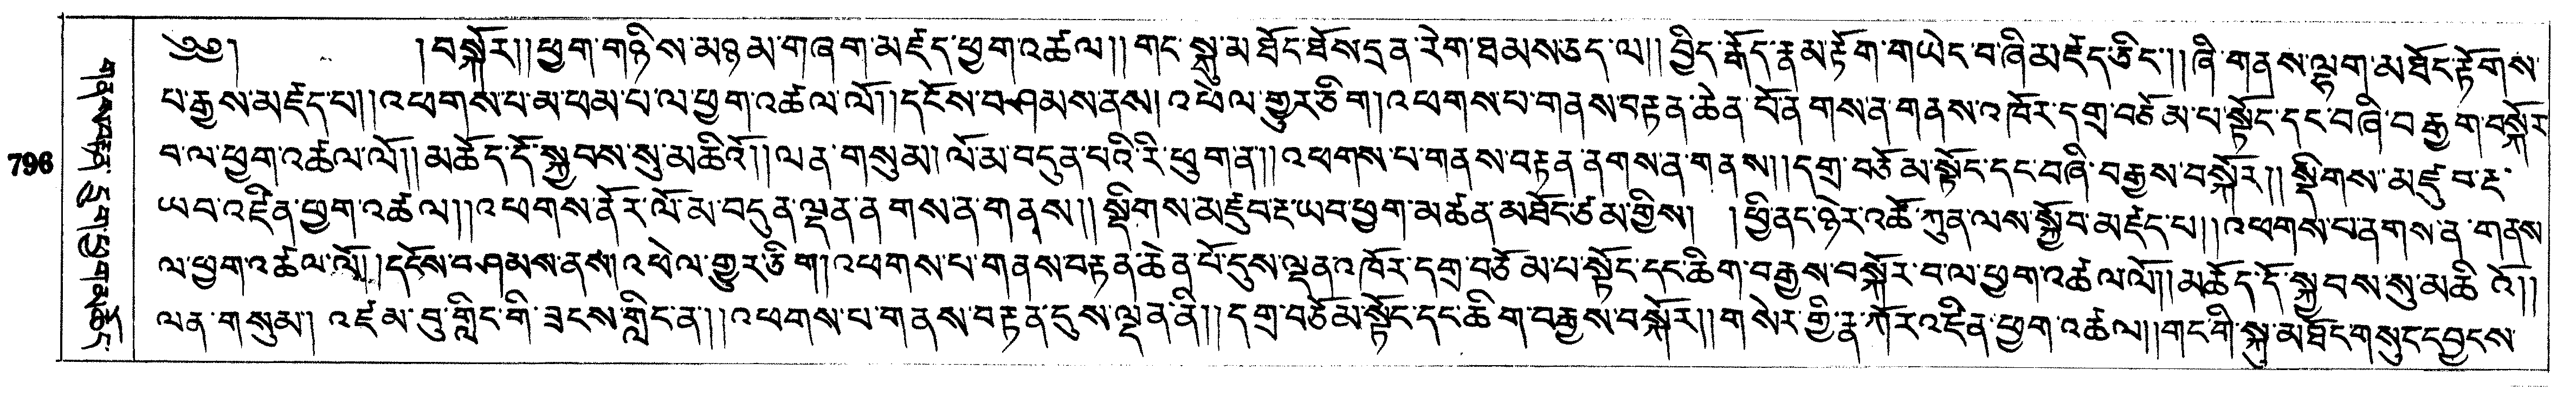༄༅། །བསྐོར། །ཕྱག་གཉིས་མཉམ་གཞག་མཛད་ཕྱག་འཚལ། །གང་སྐུ་མཐོང་ཐོས་དྲན་རེག་ཐམས་ཅད་ལ། །བྱིད་རྒོད་རྣམ་རྟོག་གཡེང་བ་ཞི་མཛད་ཅིང་། །ཞི་གནས་ལྷག་མཐོང་རྟོགས་
པ་རྒྱས་མཛད་པ། །འཕགས་པ་མ་ཕམ་པ་ལ་ཕྱག་འཚལ་ལོ། །དངོས་བཤམས་ནས། འཕེལ་གྱུར་ཅིག །འཕགས་པ་གནས་བརྟན་ཆེན་པོ་ནགས་ན་གནས་འཁོར་དགྲ་བཅོམ་པ་སྟོང་དང་བཞི་བརྒྱག་བསྐོར་
བ་ལ་ཕྱག་འཚལ་ལོ། །མཆོད་དོ་སྐྱབས་སུ་མཆིའོ། །ལན་གསུམ། ལོ་མ་བདུན་པའི་རི་ཕུག་ན། །འཕགས་པ་གནས་བརྟན་ནགས་ན་གནས། །དགྲ་བཅོམ་སྟོང་དང་བཞི་བརྒྱས་བསྐོར། །སྡིགས་མཛུབ་རྔ་
ཡབ་འཛིན་ཕྱག་འཚལ། །འཕགས་ནོར་ལོ་མ་བདུན་ལྡན་ནགས་ན་གནས། །སྡིགས་མཛུབ་རྔ་ཡབ་ཕྱག་མཚན་མཐོང་ཙམ་གྱིས། །ཕྱི་ནང་ཉེར་འཚོ་ཀུན་ལས་སྐྱོབ་མཛད་པ། །འཕགས་པ་ནགས་ན་གནས་
ལ་ཕྱག་འཚལ་ལོ། །དངོས་བཤམས་ནས། འཕེལ་གྱུར་ཅིག །འཕགས་པ་གནས་བརྟན་ཆེན་པོ་དུས་ལྡན་འཁོར་དགྲ་བཅོམ་པ་སྟོང་དང་ཆིག་བརྒྱས་བསྐོར་བ་ལ་ཕྱག་འཚལ་ལོ། །མཆོད་དོ་སྐྱབས་སུ་མཆིའོ།།
ལན་གསུམ། འཛམ་བུ་གླིང་གི་ཟངས་གླིང་ན། །འཕགས་པ་གནས་བརྟན་དུས་ལྡན་ནི། །དགྲ་བཅོམ་སྟོང་དང་ཆིག་བརྒྱས་བསྐོར། །གསེར་གྱི་རྣ་ཀོར་འཛིན་ཕྱག་འཚལ། །གང་གི་སྐུ་མཐོང་གསུང་དབྱངས་